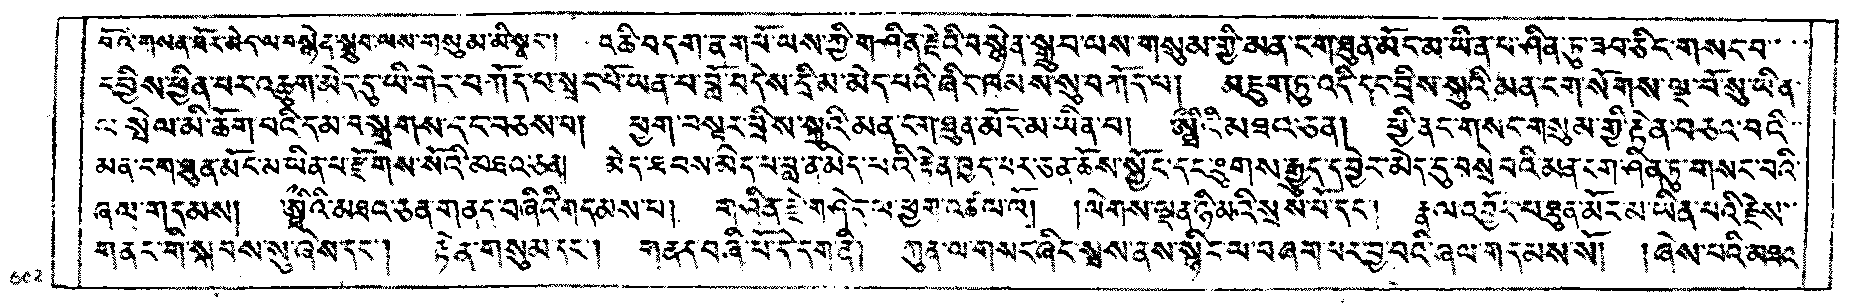པོའི་གསན་ཐོར་མེད་ལ་བསྙེན་སྒྲུབ་ལས་གསུམ་མི་སྣང་། འཆི་བདག་ནག་པོ་ལས་ཀྱི་གཤིན་རྗེའི་བསྙེན་སྒྲུབ་ལས་གསུམ་གྱི་མན་ངག་ཐུན་མོང་མ་ཡིན་པ་ཤིན་ཏུ་ཟབ་ཅིང་གསང་བ་
དཔྱིས་ཕྱིན་པར་འཆུག་མེད་དུ་ཡི་གེར་བཀོད་པ་སྤྲང་པོ་ཡན་པ་བློ་བདེས་དྲི་མ་མེད་པའི་ཞིང་ཁམས་སུ་བཀོད་པ། མཇུག་ཏུ་འདི་དང་བྲིས་སྐུའི་མན་ངག་སོགས་ལྔ་པོ་སུ་ཡིན་
ལ་སྤེལ་མི་ཆོག་པའི་དམ་བསྒྲགས་དང་བཅས་པ། ཕྱག་བསྟར་བྲིས་སྐུའི་མན་ངག་ཐུན་མོང་མ་ཡིན་པ། ཨྀཊཿཨིའི་མཐའ་ཅན། ཕྱི་ནང་གསང་གསུམ་གྱི་རྟེན་བཅའ་བའི་
མན་ངག་ཐུན་མོང་མ་ཡིན་པ་རྫོགས་སོའི་མཐའ་ཅན། མེད་ཐབས་མེད་པ་བླ་ན་མེད་པའི་རྟེན་ཁྱད་པར་ཅན་ཆོས་སྐྱོང་དང་ཐུགས་རྒྱུད་དབྱེར་མེད་དུ་བསྲེ་བའི་མན་ངག་ཤིན་ཏུ་གསང་བའི་
ཞལ་གདམས། ཨྀཐིའི་མཐའ་ཅན་གནད་བཞིའི་གདམས་པ། གཤིན་རྗེ་གཤེད་ལ་ཕྱག་འཚལ་ལོ། །ལེགས་ལྡན་ཉི་མའི་སྲས་པོ་དང་། རྣལ་འབྱོར་པ་ཐུན་མོང་མ་ཡིན་པའི་རྗེས་
གནང་གི་སྐབས་སུ་ཞེས་དང་། རྟེན་གསུམ་དང་། གནད་བཞི་པོ་དེ་དག་ནི། ཀུན་ལ་གསང་ཞིང་སྦས་ནས་སྙིང་ལ་བཞག་པར་བྱ་བའི་ཞལ་གདམས་སོ། །ཞེས་པའི་མཐའ་